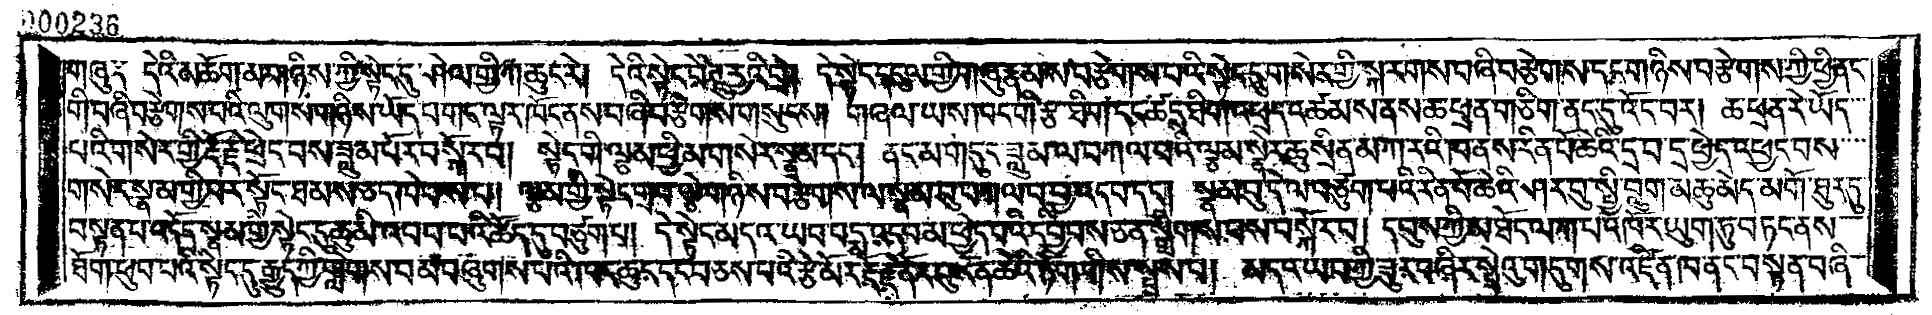གཞུ༑ དེའི་མཆོག་མ་གཉིས་ཀྱི་སྟེང་དུ་ཤེལ་གྱི་ཀ་ཆུང་རེ། དེའི་སྟེང་བཻཊཱུ་རྱའི་བྲེ། དེ་སྟེང་དངུལ་གྱི་གཞུ་རྣམས་བརྩེགས་པའི་སྟེང་དུ་གསེར་གྱི་སྐ་རགས་བཞི་བརྩེགས་དང་གཉིས་བརྩེགས་ཀྱི་ཕྱི་ནང་
གི་བཞི་བརྩེགས་པའི་ལུགས་གཉིས་ཡོད་པ་གང་ལྟར་ཁོང་ནས་བཞི་བརྩེགས་གསུངས། གཞལ་ཡས་ཁང་གི་རྩ་ཐིག་དང་ཚངས་ཐིག་འཕྲད་འཚམས་ནས་ཆ་ཕྲན་གཅིག་ནང་དུ་འོང་བར། ཆ་ཕྲན་རེ་ཡོད་
པའི་གསེར་གྱི་རྡོ་རྗེ་ཕྲེང་བས་ཟླུམ་པོར་བསྐོར་བ། སྟེང་གི་ལྕམ་ཕྱི་མ་གསེར་སྣམ་དང་། ནང་མ་གདུང་ཟླུམ་ལ་བཀལ་པའི་ལྕམ་སྣེར་ཆུ་སྲིན་མ་ཀ་རའི་ཁ་ནས་རིན་པོ་ཆེའི་དྲ་བ་དྲ་ཕྱེད་འཕྱང་བས་
གསེར་སྣམ་གྱི་བར་སྟོང་ཐམས་ཅད་ཁེབས་པ། ལྕམ་གྱི་སྟེང་གྲབ་ལྕེ་གཉིས་བརྩེགས་ལ་སྣམ་བུ་བཀལ་བ་བྱ་འདབ་དང་། སྣམ་བུ་དེ་ལ་བཙུག་པའི་རིན་པོ་ཆེའི་ཤར་བུ་སྤྱི་བླུག་མཆུ་མེད་མགོ་ཐུར་དུ་
བསྟན་པ་འདོད་སྣམ་གྱི་སྟེང་དུ་ཆུ་མི་འབབ་པའི་ཚོད་དུ་བཙུག་པ། དེ་སྟེང་མདའ་ཡབ་པདམ་འདབ་མ་ཕྱེད་པའི་དབྱིབས་ཅན་སྒྲིགས་པས་བསྐོར་བ། དབུས་ཀྱི་མཐོང་ལ་ཀ་པ་འཁོར་ཡུག་ཏུ་བཏང་ནས་
ཐོག་ཕུབ་པའི་སྟེང་དུ་རྒྱུད་ཀྱི་གླེགས་བམ་བཞུགས་པའི་ཁང་ཆུང་དང་བཅས་པའི་རྩེ་མོར་རྡོ་རྗེ་ནོར་བུ་རིན་ཆེའི་ཏོག་གིས་སྤྲས་པ། མདའ་ཡབ་ཀྱི་ཟུར་བཞིར་སྤྲེའུ་གདུགས་འཛིན་ཁ་ནང་བསྟན་བཞི་